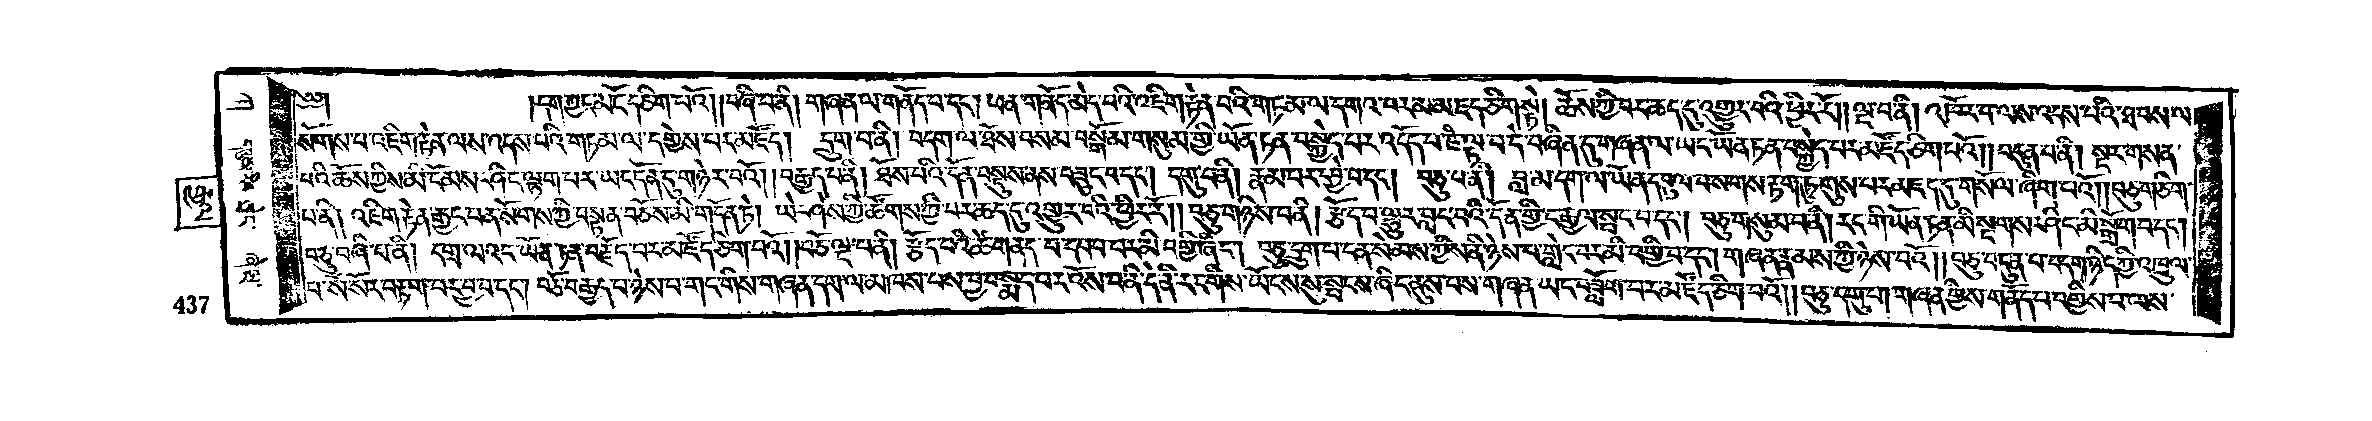༄༅། །དག་ཀྱང་མངོད་ཅིག་པའོ། །བཞི་པ་ནི། གཞན་ལ་གནོད་པ་དང་། ཕན་གནོད་མེད་པའི་འཇིག་རྟེན་པའི་གཏམ་ལ་དགའ་བར་མ་མཛད་ཅིག་སྟེ། ཆོས་ཀྱི་བར་ཆད་དུ་འགྱུར་བའི་ཕྱིར་རོ། །ལྔ་པ་ནི། འཁོར་བ་ལས་འདས་པའི་ཐབས་ལ་
སོགས་པ་འཇིག་རྟེན་ལས་འདས་པའི་གཏམ་ལ་དགྱེས་པར་མཛོད། དྲུག་པ་ནི། བདག་ལ་ཐོས་བསམ་བསྒོམ་གསུམ་གྱི་ཡོན་ཏན་བསྐྱེད་པར་འདོད་པ་ཇི་ལྟ་བ་དེ་བཞིན་དུ་གཞན་ལ་ཡང་ཡོན་ཏན་བསྐྱེད་པར་མཛོད་ཅིག་པའོ། །བདུན་པ་ནི། སྔར་གསན་
པའི་ཆོས་ཀྱིས་མི་ངོམས་ཤིང་ལྟག་པར་ཡང་དོན་དུ་གཉེར་བའོ། །བརྒྱད་པ་ནི། ཐོས་པའི་དོན་བསྡུས་ནས་བཟུང་བ་དང་། དགུ་པ་ནི། རྣམ་པར་དབྱེ་བ་དང་། བཅུ་པ་ནི། བླ་མ་དག་ལ་ཡོན་དབུལ་བསགས་རྟག་ཏུ་གུས་པར་མཛད་དུ་གསོལ་ཞིག་པའོ། །བཅུ་གཅིག་
པ་ནི། འཇིག་རྟེན་རྒྱང་པན་སོགས་ཀྱི་བསྟན་བཅོས་མི་གདོན་ཏེ། ཡེ་ཤེས་ཀྱི་ཚོགས་ཀྱི་བར་ཆད་དུ་འགྱུར་བའི་ཕྱིར་རོ། །བཅུ་གཉིས་པ་ནི། རྩོད་པ་ལྷུར་བླང་བའི་དོན་གྱི་ང་རྒྱལ་སྤང་བ་དང་། བཅུ་གསུམ་པ་ནི། རང་གི་ཡོན་ཏན་མི་སྔགས་ཤིང་མི་སྒྲོག་པ་དང་།
བཅུ་བཞི་པ་ནི། དགྲ་ལའང་ཡོན་ཏན་བརྗོད་པར་མཛོད་ཅིག་པའོ། །བཅོ་ལྔ་པ་ནི། རྩོད་པའི་ཚེ་གནད་པ་དབབ་པར་མི་བགྱི་ཞིང་། བཅུ་དྲུག་པ་ངན་སེམས་ཀྱིས་ནི་ཉེས་པ་གླེང་བར་མི་བགྱི་བ་དང་། གཞན་རྣམས་ཀྱི་ཉེས་པའོ། །བཅུ་བདུན་པ་བདག་ཉིད་ཀྱི་འཁྲུལ་
བ་སོ་སོར་བརྟག་པར་བྱ་བ་དང་། བཅོ་བརྒྱད་པ་ཉེས་པ་གང་གིས་གཞན་དག་ལ་མཁས་པས་བྱ་བ་སྨད་པར་འོས་པ་ནི་དེ་ནི་རང་གིས་ཡོངས་སུ་སྤངས་ཞིང་ནུས་པས་གཞན་ཡང་བཟློག་པར་མཛོད་ཅིག་པའོ། །བཅུ་དགུ་པ། གཞན་གྱིས་གནོད་པ་བགྱིས་པ་ལས་